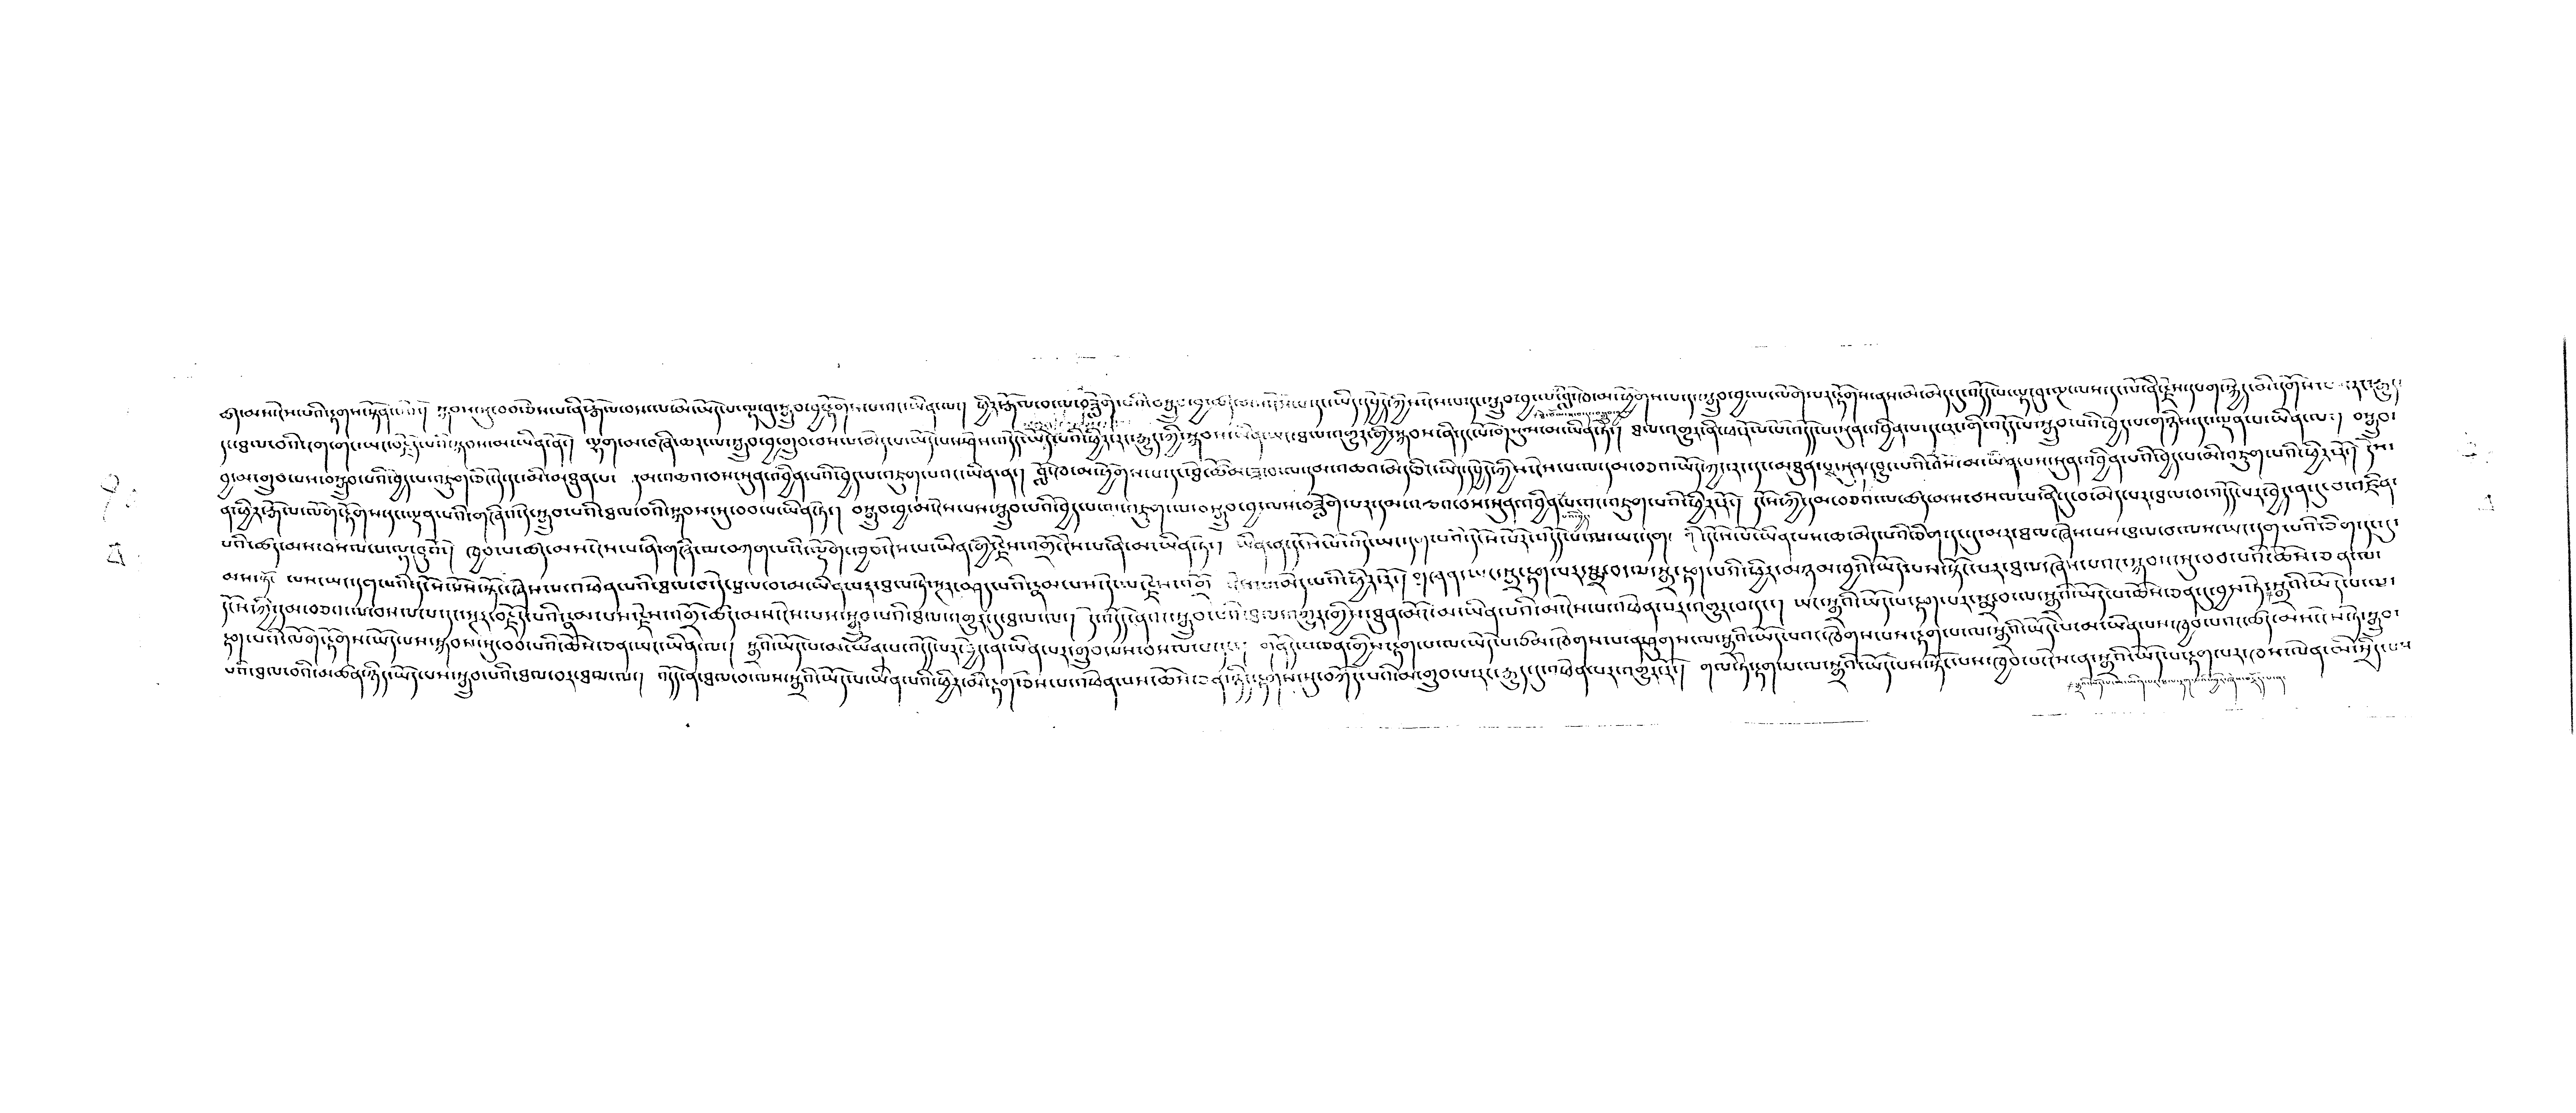ཚད་མས་ངེས་པའི་རྟགས་སྟོན་པའོ། སྐབས་སུ་བབ་ཅེས་པ་ནི་རྒོལ་བས་ལ་མེ་ཡོད་པ་ལྟ་བུ་སྒྲུབ་བྱ་རྟོགས་པ་འང་ཡིན་ལ། ཕྱིར་རྒོལ་བ་ལ་བཟློག་པའི་བསྒྲུབ་བྱ་ཚད་མས་ངེས་པ་དང་ཡིད་དཔྱོད་ཀྱིས་ངེས་པ་དང་སྒྲུབ་བྱ་ལ་བློ་ཁ་མ་ཕྱོགས་པ་དང་སྒྲུབ་བྱ་ལ་ལོག་པར་རྟོགས་ནས་མེ་མེད་དུ་འདོད་པ་ལྟ་བུ་ལྔ་ལས་དང་པོ་ནི་རྗེས་དཔག་སྐྱེད་མི་དགོས་པས་རང་རྒྱུད་
དང་ཐལ་བའི་ངག་གང་ཡང་བརྗོད་པའི་སྐབས་མ་ཡིན་ནོ། ལྷག་མ་བཞི་ཆར་ལ་སྒྲུབ་བྱ་གྲུབ་བསལ་མེད་པ་ཡོད་པས་ཤེས་འདོད་ཡོད་པའི་ཕྱིར་རང་རྒྱུད་ཀྱི་སྐབས་ཡིན་ཡང་ཐལ་འགྱུར་གྱི་སྐབས་ནི་དང་པོ་གསུམ་མ་ཡིན་ཏེ། ཐལ་འགྱུར་ནི་ཕ་རོལ་པོ་འདོད་པ་སུན་འབྱིན་པ་དང་རང་གི་འདོད་པ་སྒྲུབ་པའི་བྱེད་པ་གཉིས་དང་ལྡན་པ་ཡིན་ལ། བསྒྲུབ་
བྱ་མ་གྲུབ་པས་བསྒྲུབ་པའི་བྱེད་པ་འཇུག་ཅིང་དེ་དང་མི་མཐུན་པ་དམ་འཆའ་བས་སུན་འབྱིན་པའི་བྱེད་པ་འཇུག་པའང་ཡིན་ན། བློ་ཁ་མ་ཕྱོགས་པ་དང་ཐེ་ཚོམ་ཟ་བ་ལ་དམ་འཆའ་མེད་ཅིང་ཡིད་དཔྱོད་ཀྱིས་ངེས་པ་ལ་དམ་བཅའ་ཡོད་ཀྱང་རང་དང་མཐུན་པས་སུན་དབྱུང་པའི་འོས་མ་ཡིན་པས་སུན་འབྱིན་པའི་བྱེད་པ་མི་འཇུག་པའི་ཕྱིར་རོ། དེས་
ན་ཕྱིར་རྒོལ་ལོག་རྟོགས་དང་ལྡན་པའི་གཞིའ་དེ་སྒྲུབ་པའི་ཐལ་བའི་སྐབས་སུ་བབ་པ་ཡིན་ཏེ། བསྒྲུབ་བྱ་མ་ངེས་པས་སྒྲུབ་པའི་བྱེད་པ་ལ་འཇུག་ལ་བསྒྲུབ་བྱ་ལས་བཟློག་པར་དམ་བཅའ་བས་སུན་འབྱིན་པའི་བྱེད་པ་འང་འཇུག་པའི་ཕྱིར་རོ། དངོས་ཀྱི་དམ་བཅའ་ལ་ཚད་མས་བསལ་པ་ནི་དུ་བ་མེད་པར་ཐལ་བ་འདོད་པར་བྱེད་ན་དུ་བ་འཛིན་
པའི་ཚད་མས་བསལ་པ་ལྟ་བུའོ། ཁྱབ་པ་ཚད་མས་ངེས་པ་ནི་གཞི་མ་བཀག་པའི་ལྡོག་ཁྱབ་ངེས་པ་ཡིན་གྱི་རྗེས་འགྲོ་ངེས་པ་ནི་མ་ཡིན་ཏེ། ཡིན་ན་དངོས་པོ་འདི་ཡང་དག་པའི་དངོས་པོར་འདོད་པ་ལ་ཡང་དག་གི་དངོས་པོ་ཡིན་པས་ཆ་མེད་པའི་ཅིག་དང་དུ་མར་ཐལ་ཞེས་པས་ཐལ་བ་ལས་ཡང་དག་པའི་ཅིག་དང་དུ་
མས་སྟོ་ལས་ཡང་དག་པའི་དངོས་པོས་སྟོང་ཞེས་པ་འཕེན་པའི་ཐལ་བ་དེ་ཐལ་བ་མ་ཡིན་པར་ཐལ་ཏེ་སྔར་བཤད་པའི་རྣམ་པས་དེ་ལ་རྗེས་འགྲོ་ངེས་པ་མེད་པའི་ཕྱིར་རོ། གཞན་ཡང་སྒྲ་རྟག་པར་སྨྲ་བ་ལ་སྒྲ་རྟག་པའི་ཕྱིར་མཉམ་བྱའི་ཡོད་པས་སྟོང་པར་ཐལ་ཞེས་པའང་སྐབས་སུ་བབ་པའི་ཆོས་ཅན་ལ་
དངོས་ཀྱི་དམ་བཅའ་ལ་བསལ་པ་དང་སྔར་བརྗོད་པའི་རྣམ་པས་རྗེས་འགྲོ་ཚད་མས་ངེས་པས་སྒྲུབ་པའི་ཐལ་འགྱུར་དུ་ཐལ་ལ། དེ་འདོད་ནའང་སྒྲུབ་པའི་ཐལ་འགྱུར་གྱིས་ཐུན་མོང་མ་ཡིན་པའི་མ་ངེས་པ་འཕེན་པར་འགྱུར་བ་དང་། ཡང་སྒྲའི་ཡོད་པ་རྟག་པར་སྨྲ་བ་ལ་སྒྲའི་ཡོད་པ་ཆོས་ཅན་དུ་བྱས་ཏེ་སྒྲའི་ཡོད་པ་མ་ཡིན་པར་ཐལ་རྟག་པའི་ཕྱིར་ཞེས་བརྗོད་པ་ན་སྒྲའི་ཡོད་པ་ལ་
རྟག་པའི་ལོག་རྟོགས་ཡོད་པས་སྐབས་སུ་བབ་པའི་ཆོས་ཅན་ཡང་ཡིན་ལ། སྒྲའི་ཡོད་པ་མ་ཡིན་པ་འདོད་པར་བྱེད་ན་ཡིན་པར་གྲུབ་པས་བསལ་པ་དང་། གནོད་པ་ཅན་གྱིས་རྟག་པ་ལ་ཡོད་པ་ཙམ་ཁེགས་པ་ན་ཤུགས་ལ་སྒྲའི་ཡོད་པའང་ཁེགས་པས་རྟག་པ་ལ་སྒྲའི་ཡོད་པ་མ་ཡིན་པས་ཁྱབ་པའང་ཚད་མས་ངེས་ཏེ་སྒྲུབ་
པའི་ཐལ་བའི་མཚན་ཉིད་ཡོད་པས་སྒྲུབ་པའི་ཐལ་བར་ཐལ་ལ། འདོད་ན་ཐལ་བ་ལས་སྒྲའི་ཡོད་པ་ཡིན་པའི་ཕྱིར་མི་རྟག་ཅེས་པ་འཕེན་པས་ཆོས་ཅན་ཉིད་རྟགས་སུ་བཀོད་པའི་མ་གྲུབ་པ་རང་རྒྱུད་དུ་འཕེན་པར་འགྱུར་རོ། གལ་ཏེ་རྟག་པ་ལ་སྒྲའི་ཡོད་པས་སྟོང་པས་ཁྱབ་པ་ངེས་ན་སྒྲའི་ཡོད་པ་རྟག་པར་ཁས་ལེན་མི་སྲིད་པས་